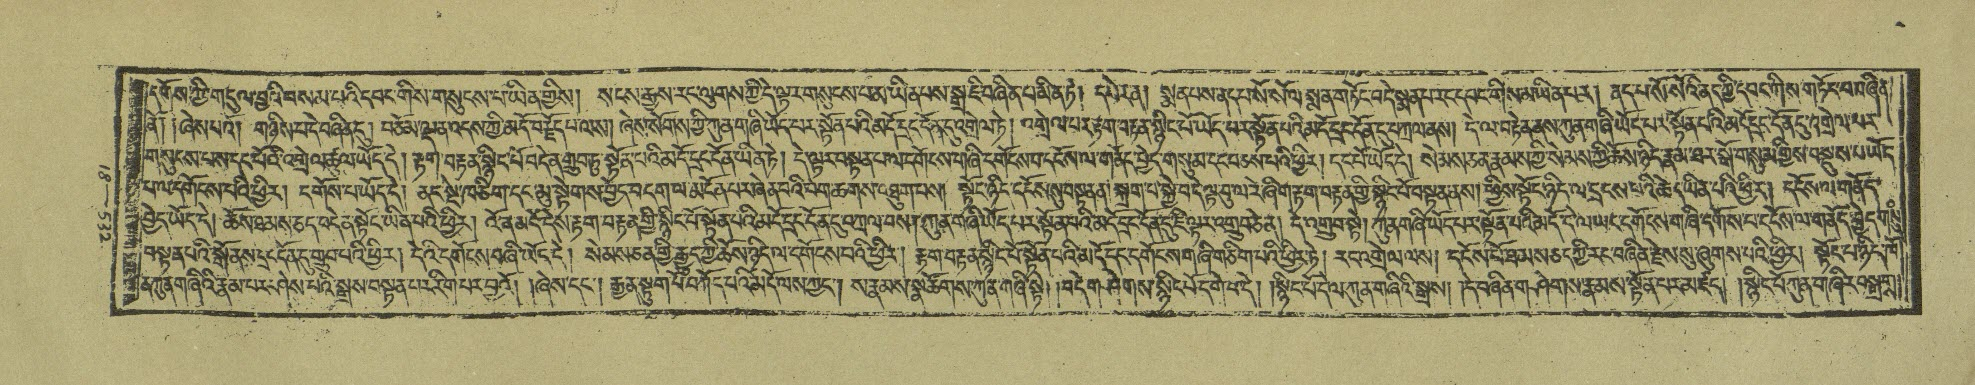དགོས་ཀྱི་གདུལ་བྱའི་བསམ་པའི་དབང་གིས་གསུངས་པ་ཡིན་གྱིས། སངས་རྒྱས་རང་ལུགས་ཀྱི་དེ་ལྟར་གསུངས་པ་མ་ཡིན་པས་སྒྲ་ཇི་བཞིན་པ་མིན་ཏེ། དཔེར་ན། སྨན་པས་ནད་པ་སོ་སོ་ལ་སྨན་གཏོང་བ་དེ་སྨན་པ་རང་དབང་གིས་མ་ཡིན་པར། ནད་པ་སོ་སོའི་ནད་ཀྱི་དབང་གིས་གཏོང་བ་བཞིན་
ནོ། །ཞེས་པའོ། །གཉིས་པ་དེ་བཞིན་དུ། བཅོམ་ལྡན་འདས་ཀྱི་མདོ་བརྗོད་པ་ལས། ཞེས་སོགས་ཀྱི་ཀུན་གཞི་ཡོད་པར་སྟོན་པའི་མདོ་དྲང་དོན་དུ་འགྲེལ་ཏེ། འགྲེལ་པར་རྟག་བརྟན་སྙིང་པོ་ཡོད་པར་སྟོན་པའི་མདོ་དྲང་དོན་དུ་བཀྲལ་ནས། དེ་ལ་བརྟེན་ནས་ཀུན་བཞི་ཡོད་པར་སྟོན་པའི་མདོ་དྲང་དོན་དུ་འགྲེལ་པར་
གསུངས་པས་དང་པོའི་འགྲེལ་ཚུལ་ཡོད་དེ། རྟག་བརྟན་སྙིང་པོ་བདེན་གྲུབ་ཏུ་སྟོན་པའི་མདོ་དྲང་དོན་ཡིན་ཏེ། དེ་ལྟར་བསྟན་པ་ལ་དགོངས་གཞི་དགོངས་པ་དངོས་ལ་གནོད་བྱེད་གསུམ་དང་བཅས་པའི་ཕྱིར། དང་པོ་ཡོད་དེ། སེམས་ཅན་རྣམས་ཀྱི་སེམས་ཀྱི་ཆོས་ཉིད་རྣམ་ཐར་སྒོ་གསུམ་གྱིས་བསྡུས་པ་ཡོད་
པ་ལ་དགོངས་པའི་ཕྱིར། དགོས་པ་ཡོད་དེ། ནང་སྡེ་ཁ་ཅིག་དང་མུ་སྟེགས་བྱེད་བདག་ལ་མངོན་པར་ཞེན་པའི་བག་ཆགས་འཐུག་པས། སྟོང་ཉིད་དངོས་སུ་བསྟན་ན། སྐྲག་པ་སྐྱེ་བ་དེ་ལྟ་བུ་ལ་རེ་ཞིག་རྟག་བརྟན་གྱི་སྙིང་པོ་བསྟན་ནས། ཕྱིས་སྟོང་ཉིད་ལ་དྲངས་པའི་ཆེ་ཡིན་པའི་ཕྱིར། དངོས་ལ་གནོད་
བྱེད་ཡོད་དེ། ཆོས་ཐམས་ཅད་བདེན་སྟོན་ཡིན་པའི་ཕྱིར། འོ་ན་མདོ་དེས་རྟག་བརྟན་གྱི་སྙིང་པོ་སྟོན་པའི་མདོ་དྲང་དོན་དུ་བཀྲལ་བས། ཀུན་གཞི་ཡོད་པར་སྟོན་པའི་མདོ་དྲང་དོན་དུ་ཇི་ལྟར་འགྲུབ་ཅེ་ན། དེ་འགྲུབ་སྟེ། ཀུན་གཞི་ཡོད་པར་སྟོན་པའི་མདོ་དེ་ལ་ཡང་དགོངས་གཞི་དགོས་པ་དངོས་ལ་གནོད་བྱེད་གསུམ་
བསྟན་པའི་སྒོ་ནས་དྲང་དོན་དུ་གྲུབ་པའི་ཕྱིར། དེའི་དགོངས་བཞི་ཡོད་དེ། སེམས་ཅན་གྱི་རྒྱུད་ཀྱི་ཆོས་ཉིད་ལ་དགོངས་པའི་ཕྱིར། རྟག་བརྟན་སྙིང་པོ་སྟོན་པའི་མདོ་དང་དགོངས་གཞི་གཅིག་པའི་ཕྱིར་ཏེ། རང་འགྲེལ་ལས། དངོས་པོ་ཐམས་ཅད་ཀྱི་རང་བཞིན་རྗེས་སུ་ཞུགས་པའི་ཕྱིར། སྟོན་པ་ཉིད་ཁོ་
ན་ཀུན་གཞིའི་རྣམ་པར་ཤེས་པའི་སྒྲས་བསྟན་པར་རིག་པར་བྱའོ། །ཞེས་དང་། རྒྱན་སྟུག་པོ་བཀོད་པའི་མདོ་ལས་ཀྱང་། ས་རྣམས་སྣ་ཚོགས་ཀུན་གཞི་སྟེ། །བདེ་གཤེགས་སྙིང་པོ་དགེ་བ་དེ། །སྙིང་པོ་དེ་ལ་ཀུན་གཞིའི་སྒྲས། །དེ་བཞིན་གཤེགས་རྣམས་སྟོན་པར་མཛད། །སྙིང་པོ་ཀུན་གཞིར་བསྒྲགས་